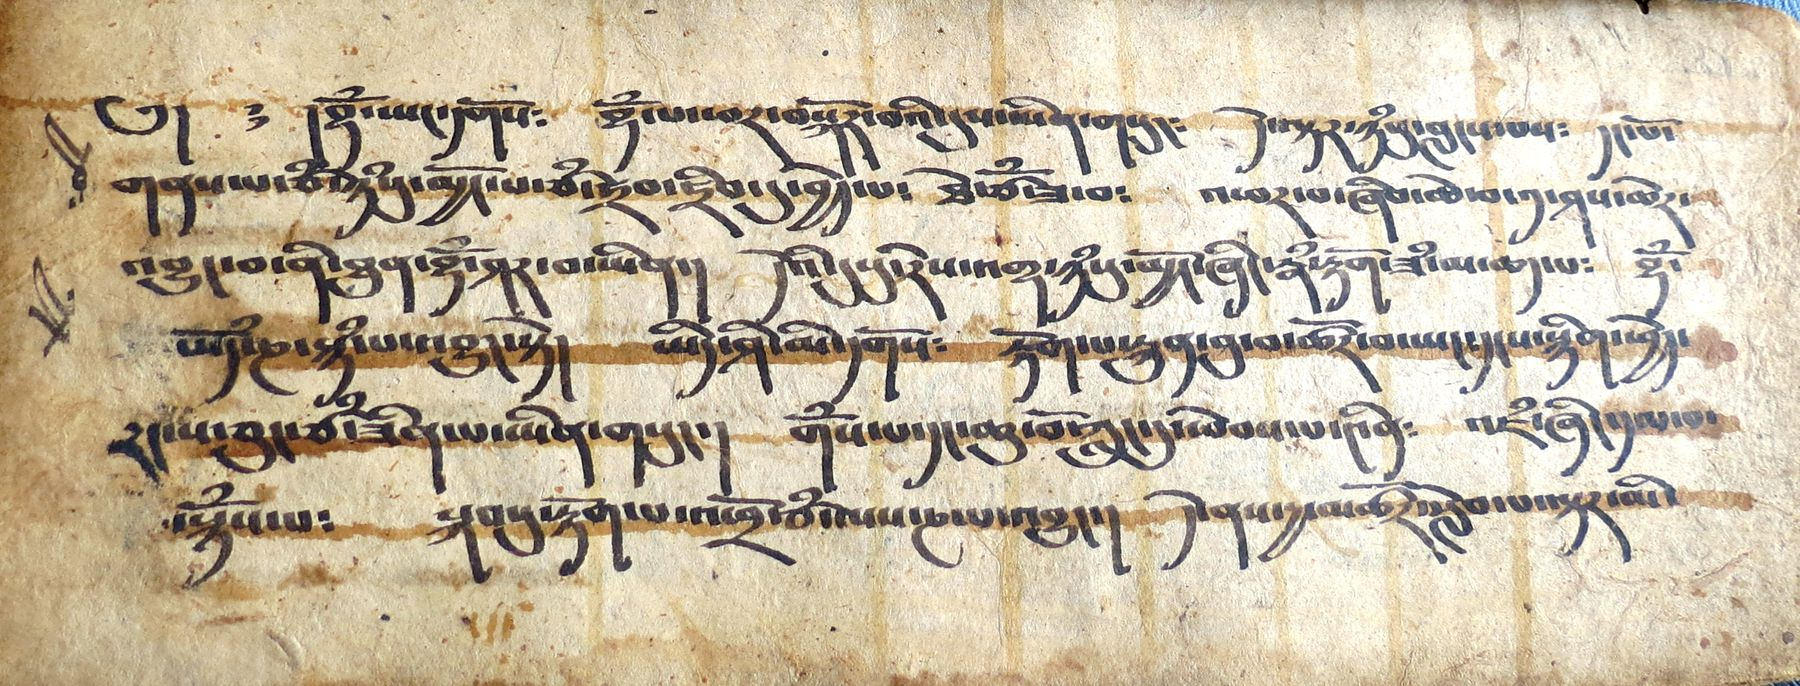སྒོམ་ཀྱང་དགོས། སྒོམ་ལ་ཕར་བསྐོར་བའི་དུས་ཡིན་གསུངས། དེ་ལྟར་ཉམས་སུ་བླངས་པས། དང་པོ་
གནས་པ་ཙམ། ཉམས་སུ་མྱོང་བ་ཙམ། ཧྲབ་ཧྲིབ་ཏུ་བྱེད། ཐེ་ཚོམ་ཟ་བ། འཕར་ཞིབ་༼འཕེལ་འགྲིབ༽ཆེ་བ་ཞིག་ཤས་ཆེར་
འབྱུང་བ་ནི་ཐུན་སྒོམ་ཤར་བ་ཡིན། དེའི་དུས་སུ་རེས་འགའ་ཉམས་སུ་མྱོང་ཞིང་། རྣམ་རྟོག་ཟམ་མ་ཆད་པ། སྒོམ་རང་
ཡོད་དམ་མེད་དམ་སྙམ་པ་འབྱུང་སྟེ། ཡིད་ཤི་མི་དགོས། རྟོགས་པ་རྐུན་བུ་བས་ཚོར་བ་ཡང་། དྭངས་སྙིགས་ཕྱེ། 
རང་ས་ཅུང་ཙམ་ཟིན་པ་ཡིན་གསུངས། གོམས་པ་དང་། ཆུ་བོ་ཀླུང་དུ་འབེབས་པ་བཞིན། འཇམ་ཞིང་དལ་བ་
ལ་སྙོམས་པ། སྐབས་སུ་རྟོགས་པ་འཕྲ་ཙམ་ལས་མེད་པ་འབྱུང་། དེ་ནས་རྒྱ་མཚོར་སླེབས་པ་ལྟར་མི་